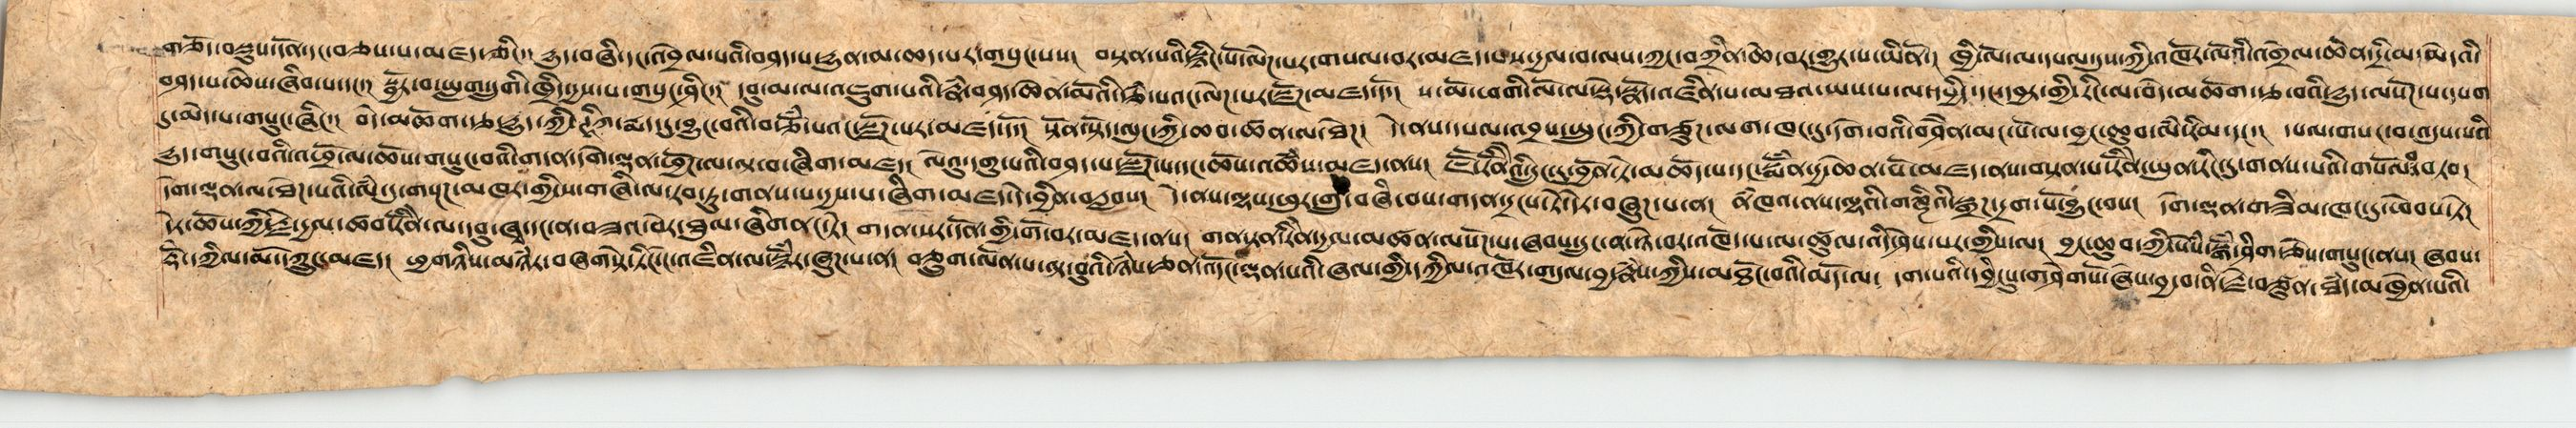གཅོད་བསྡུས་དོན་དང་བཅས་པ་མཛད་ཅིང་། དྱུད་སྡེ་བཞི་དང་འབྲེལ་པའི་བཤད་པ་དྱུན་མ་ཆད་པར་གསུང་པས། བསྟན་པའི་སྙིང་པོ་ལེཌ་པར་གསལ་བར་མཛད་པས་དྱལ་བ་ལས་ཀྱང་བཀྲིན་ཆེ་བར་གྱུར་པ་ཡིནོ། ཁྱི་ལོ་ལ་དཔལ་དུས་ཀྱི་འཁོར་ལོའི་འགྲེལ་ཆེན་དྲི་མ་མེདའི་
བཤད་པ་ཆེས་ཞིབ་པ་དང་། སྦྱོར་བ་ཡླག་དྲུགི་ཁྲིད་དྱས་པ་གསུང་ཤིང་། དབུ་མ་ལ་འཇུག་པའི་རྣཾ་བཤད་ཆེན་མོའི་རྩཾ་པའང་ལེཌ་པར་སྫོཌ་མཛད་དོ། ས་མོ་ཕགི་ལོ་ལ་སྡེ་སྣོད་འཛིན་པ་མཐའ་ཡས་པ་ལ་དཔྱིད་དང་དབྱར་གྱི་རིང་ལ་བདེ་མཆོག་རྩ་བའི་དྱུད་ལསོཌ་པ་དཔག
དུ་མེད་པ་གསུང་ཞིང་། བདེ་མཆོག་རྩ་དྱུད་ཀྱི་ཊཱིཀ་རྨད་དུ་བྱུང་བའི་བརྩོཾ་པ་སྫོཌ་པར་མཛད་དོ། སྟོན་སྟོད་ལུང་གི་ཆབ་ཚན་ལ་ཐེཌ། དེ་ནས་དཔལ་འབྲས་སྤུང་ཀྱི་གཙུཌ་ལག་ཁང་དུ་དགེ་བའི་བཤཻན་མང་པོ་ལ་བྱང་ཆུབ་ལཾ་རིམ་དང་། དཔལ་གསང་བ་འདུས་པའི་
དྱུད་གསུང་བའི་འཕྲོ་ལ་ཆོས་གསུང་བའི་གདན་དགེ་ལྡན་ཕྱོཌ་ལ་ལྟ་བ་ཞིག་མཛད། ལེའུ་དགུ་པའི་བཤད་པ་སྫོཌ་པ་དང་ཆོས་འཚཾས་མཛད་ནས། ཇཽ་རིོནེའི་དྲུང་དུ་བྱོན་ཏེ་མཆོད་པ་དང་སྨོཾན་དྱ་ཆེན་པོ་མཛད་ནས་བསྟན་པ་རིནོེ་ཡུན་རིང་དུ་གནས་པའི་གསོལ་བ་བཏབ།
དགེ་ལྡན་ལ་ཐེཌ་པའི་ལཾ་དུ་གསྔཌ་མཁར་གྱི་ས་གཞི་ལ་རབ་ཏུ་གནས་པ་དྱས་པ་ཞིག་མཛད་དེ་བྱིན་བརླབས། དེ་ནས་ལྷས་ཕུར་གྲུ་བཞི་བས་གདན་དྲངས་ཏེ་དེར་བཞུཌ་པ་ན། ནཾཁའ་ནས་ལྷའི་གཎྜིའི་སྒྲཌ་དྲག་པོ་བྱུང་བས། དགེ་ལྡན་གཟིམ་ཁང་དུ་ཕེབས་ཏེ།
དེར་ཆོས་ཀྱི་རྗེ་དྱལ་ཚབ་རིནོེ་ལ་དབུ་ཞྭ་དང་ན་བཟའ་བེར་ཐུལ་ཞིགནང་ཏེ། གདན་སར་དོན་གྱི་གོ་བར་མཛད་ནས། གན་ཏན་རིནེ་དྱལ་མཚན་ལསོཌ་པ་ཞབས་དྲུང་ན་ཉེ་བར་འཁོད་པ་ལ་ཚུལ་འདི་ཤེས་པར་གྱིས་ལ། བྱང་ཆུབ་ཀྱི་སེཾས་སྒོཾ་ཤིག་ཅེས་གསུང་ནས། ཞབས་
རྡོ་ེདཀྱིལ་མོ་ཀྲུང་མཛད། ཕྱགཉིས་མཉཾར་བཞགསྟེ་ཏིང་ངེ་འཛིན་ལ་སྙོཾར་ཞུཌ་པ་ན། བཅྲུག་ལོན་པ་ལྟ་བུའི་ཉཾས་ཅན་འོདང་ལྡན་པའི་ཞལ་གྱི་དཀྱིལ་འཁོར་གདུལ་བྱ་རྣཾས་ཀྱིས་མཐོང་བའི་མོད་ལ་ དག་པའི་དབྱིངསུ་གཤེགསོ་ཞེས་བྱ་བ་ནི་རྗེ་བཙུན་ཐཾད་མཁྱེན་པའི་